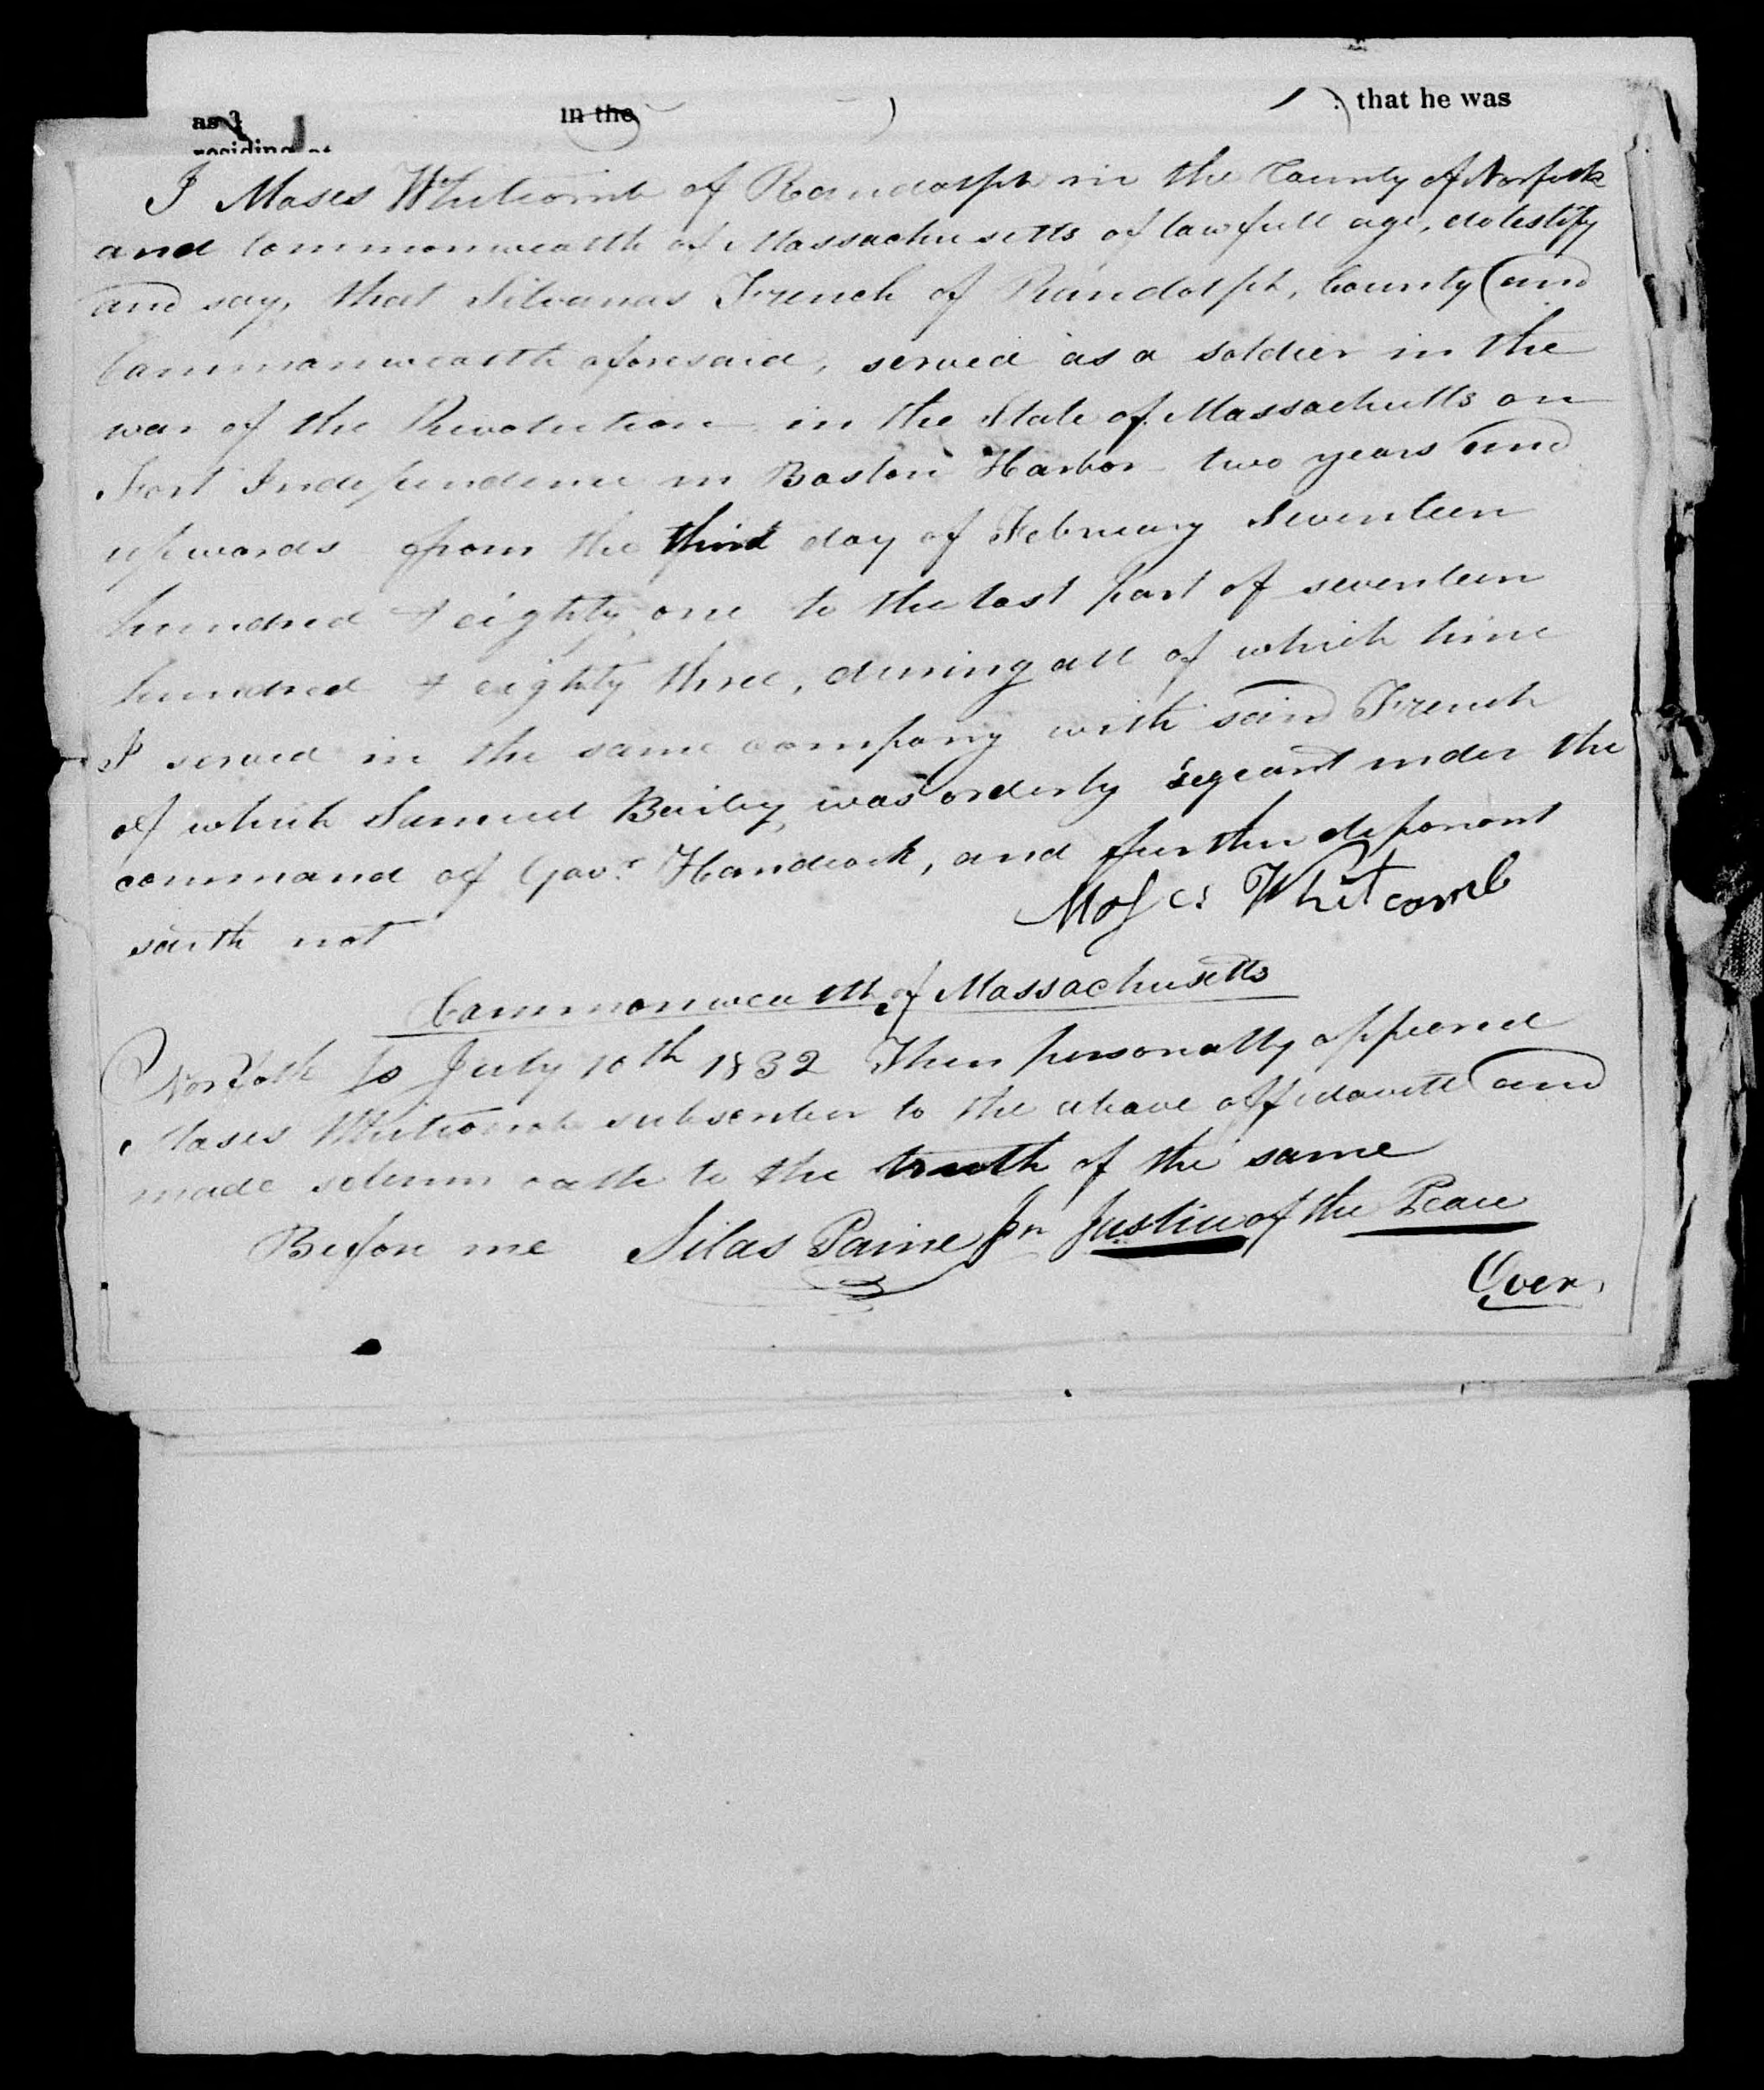I Moses Whitcomb of Randolph in the County of Norfolk
and Commonwealth of Massachusetts of lawfull age, do testify
and say, that Silvanus French of Randolph, County and
Commonwealth aforesaid, served as a soldier in the
war of the Revolution in the State of Massachutts [sic][Massachusetts] on
Fort Independence in Boston Harbor two years and
upwards from the third day of February Seventeen
hundred & eighty one to the last part of seventeen
hundred & eighty three, during all of which time
I served in the same company with said French
of which Samuel Bailey was orderly segeant [sic][sergeant] under the
command of Govr. Handcock [sic][Hancock], and further deponent
saith not
Moses Whitcomb

Commonwealth of Massachusetts
-
[illegible] July 10th 1832 Then personally appeared
Moses Whitcomb subscriber to the above affidavit and
made solemn oath to the truth of the same
Before me
Silas Paine Jr Justice of the Peace
Over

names: Silvanus French, French, Moses Whitcomb, Moses Whitcomb, Handcock, Silas Paine, Samuel Bailey, Moses Whitcomb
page: 8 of 38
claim: widow's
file: W. 24,235, Silvanus French, Mass.